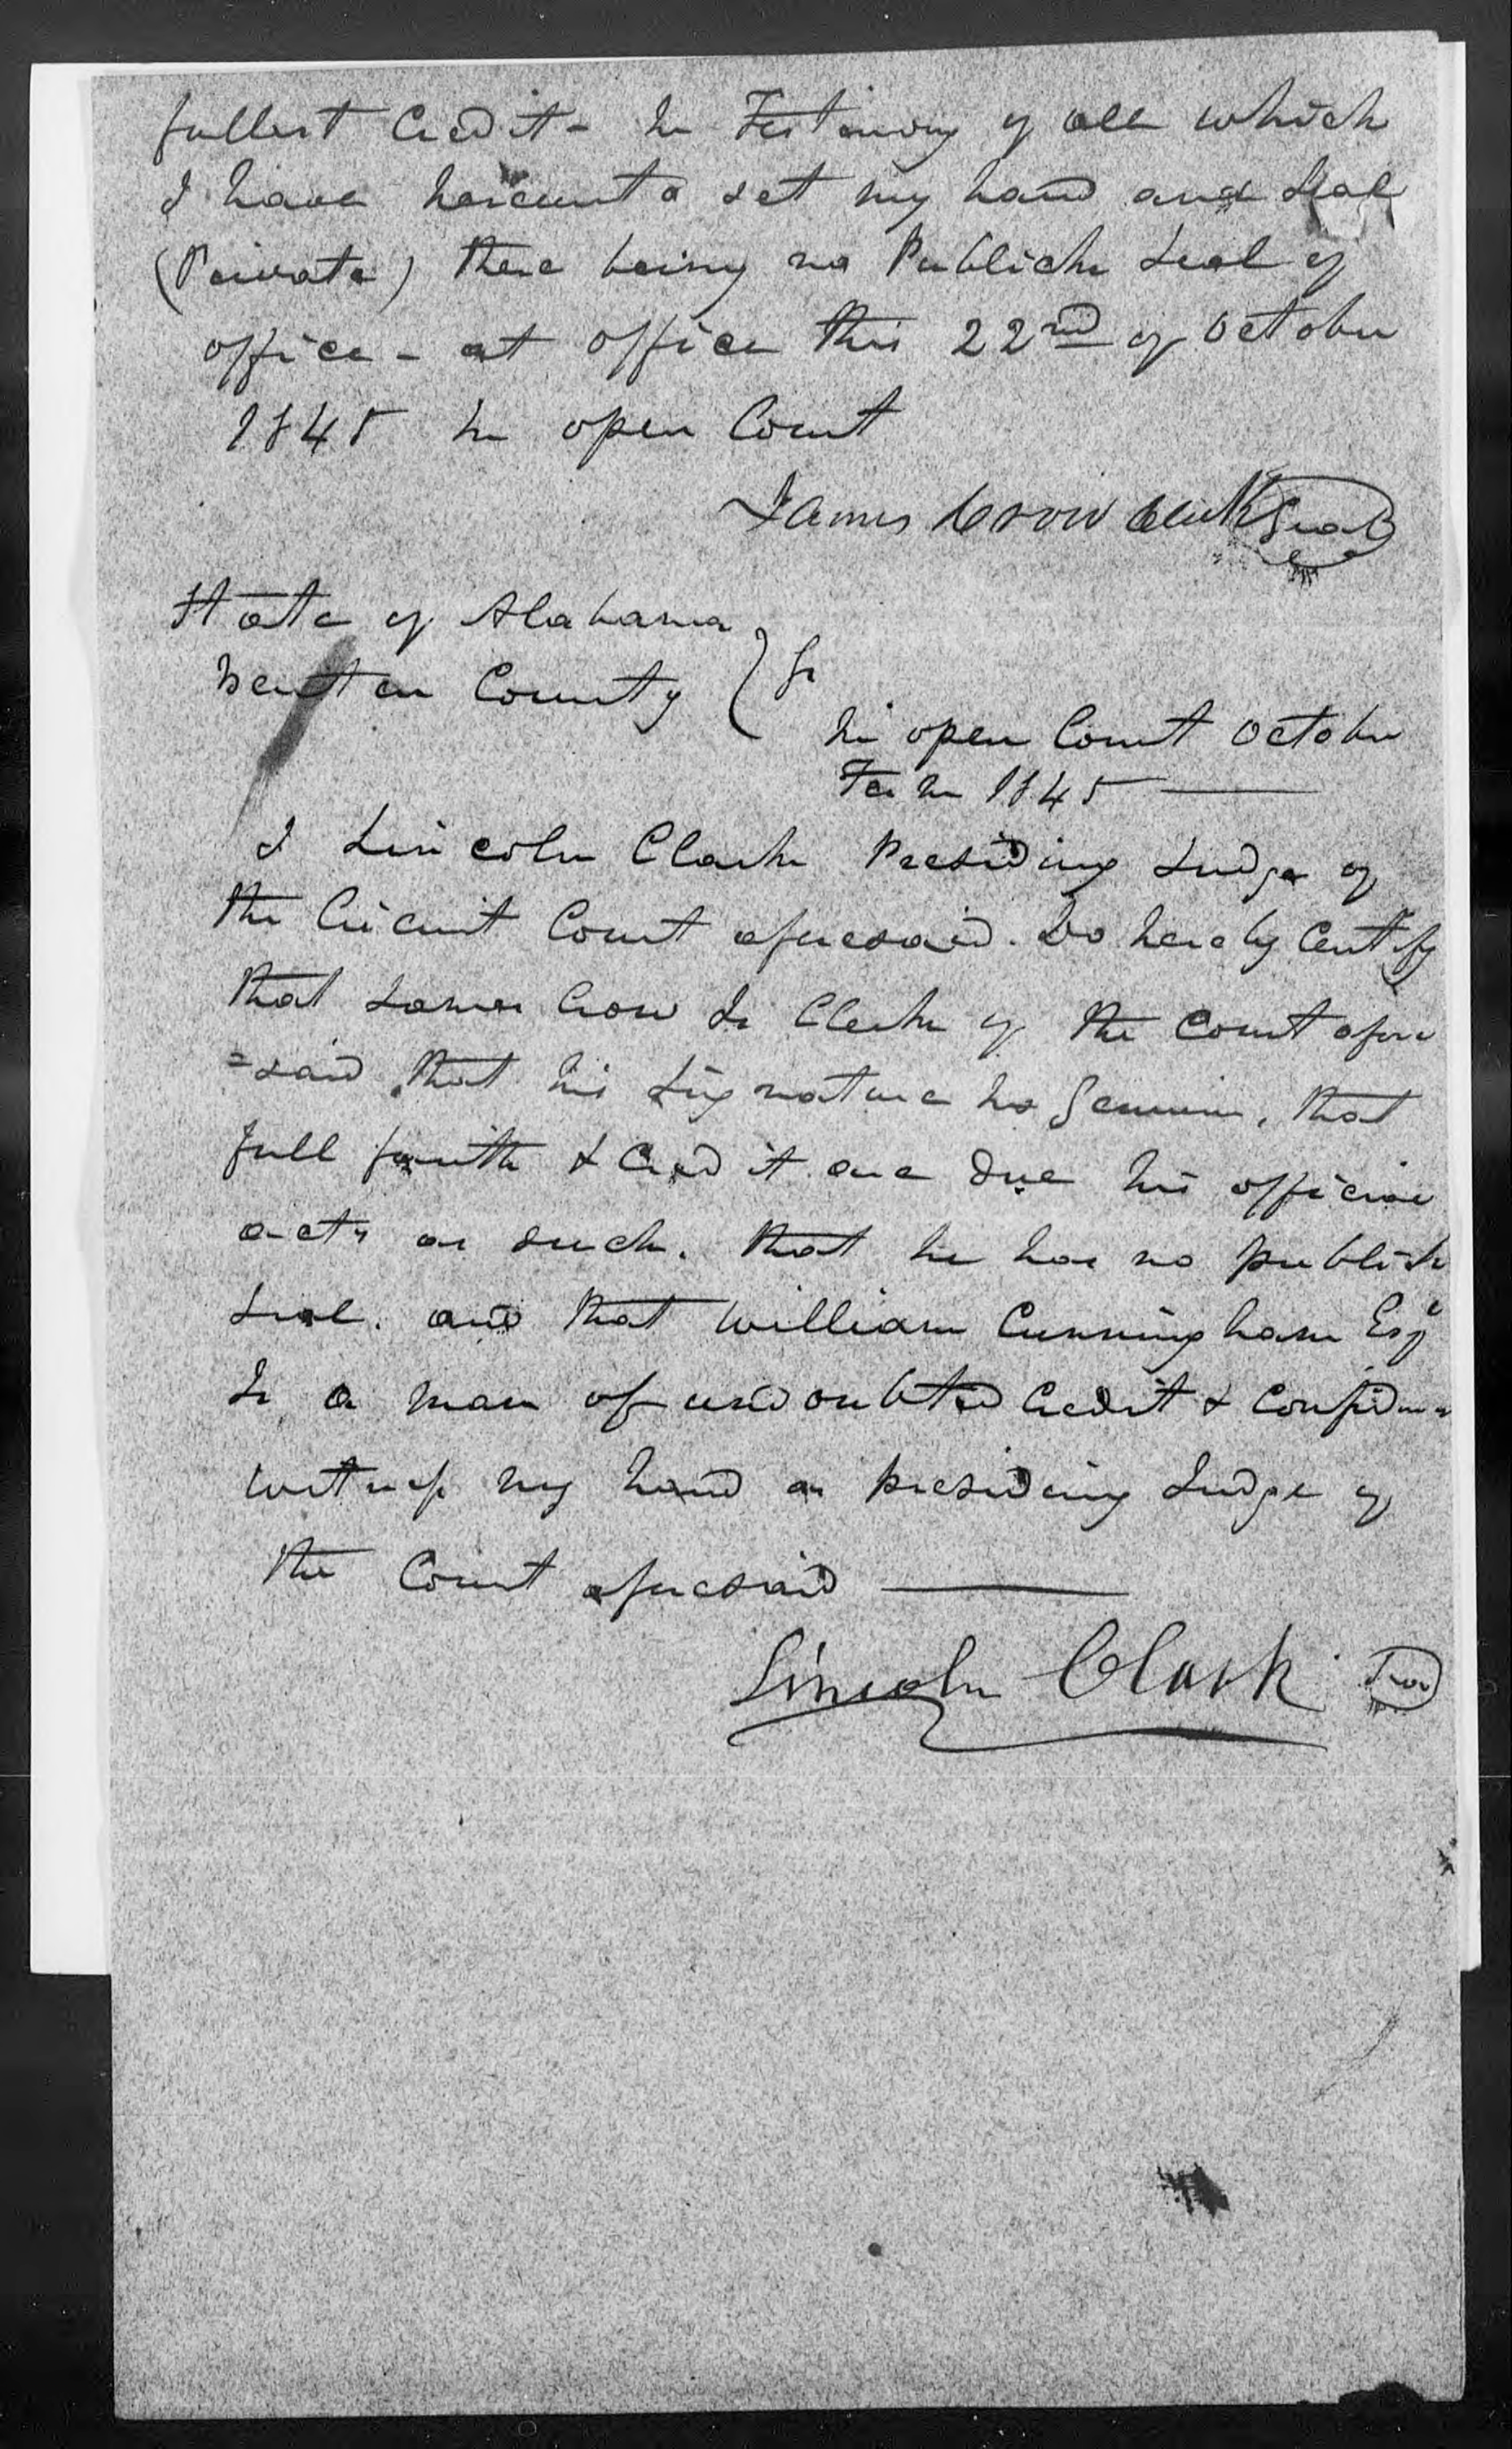fullest credit - in testimony of all which I have hereunto set my hand and seal(private) there being no Publick seal of office- at office this 2nd day of October 1845 in Open court
James Crow Clerk

State of Alabama
Benton  County
In open court October session 1845
I Lincoln Clark presiding Judge of the Circuit Court aforesaid do hereby certify that James Crow is the Clerk of the court aforesaid. That his signature is genuine, that full faith and credit is due his official acts as such, and that William Cunningham Esq is a man of undoubted credit & compliance.  

Witness my hand as presiding judge of the court aforesaid
Lincoln Clark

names: James Crow, William Cunningham, Lincoln Clark, Lincoln Clark, James Crow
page: 39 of 91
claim: widow's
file: W. 10576, Francis Carlisle, S.C.